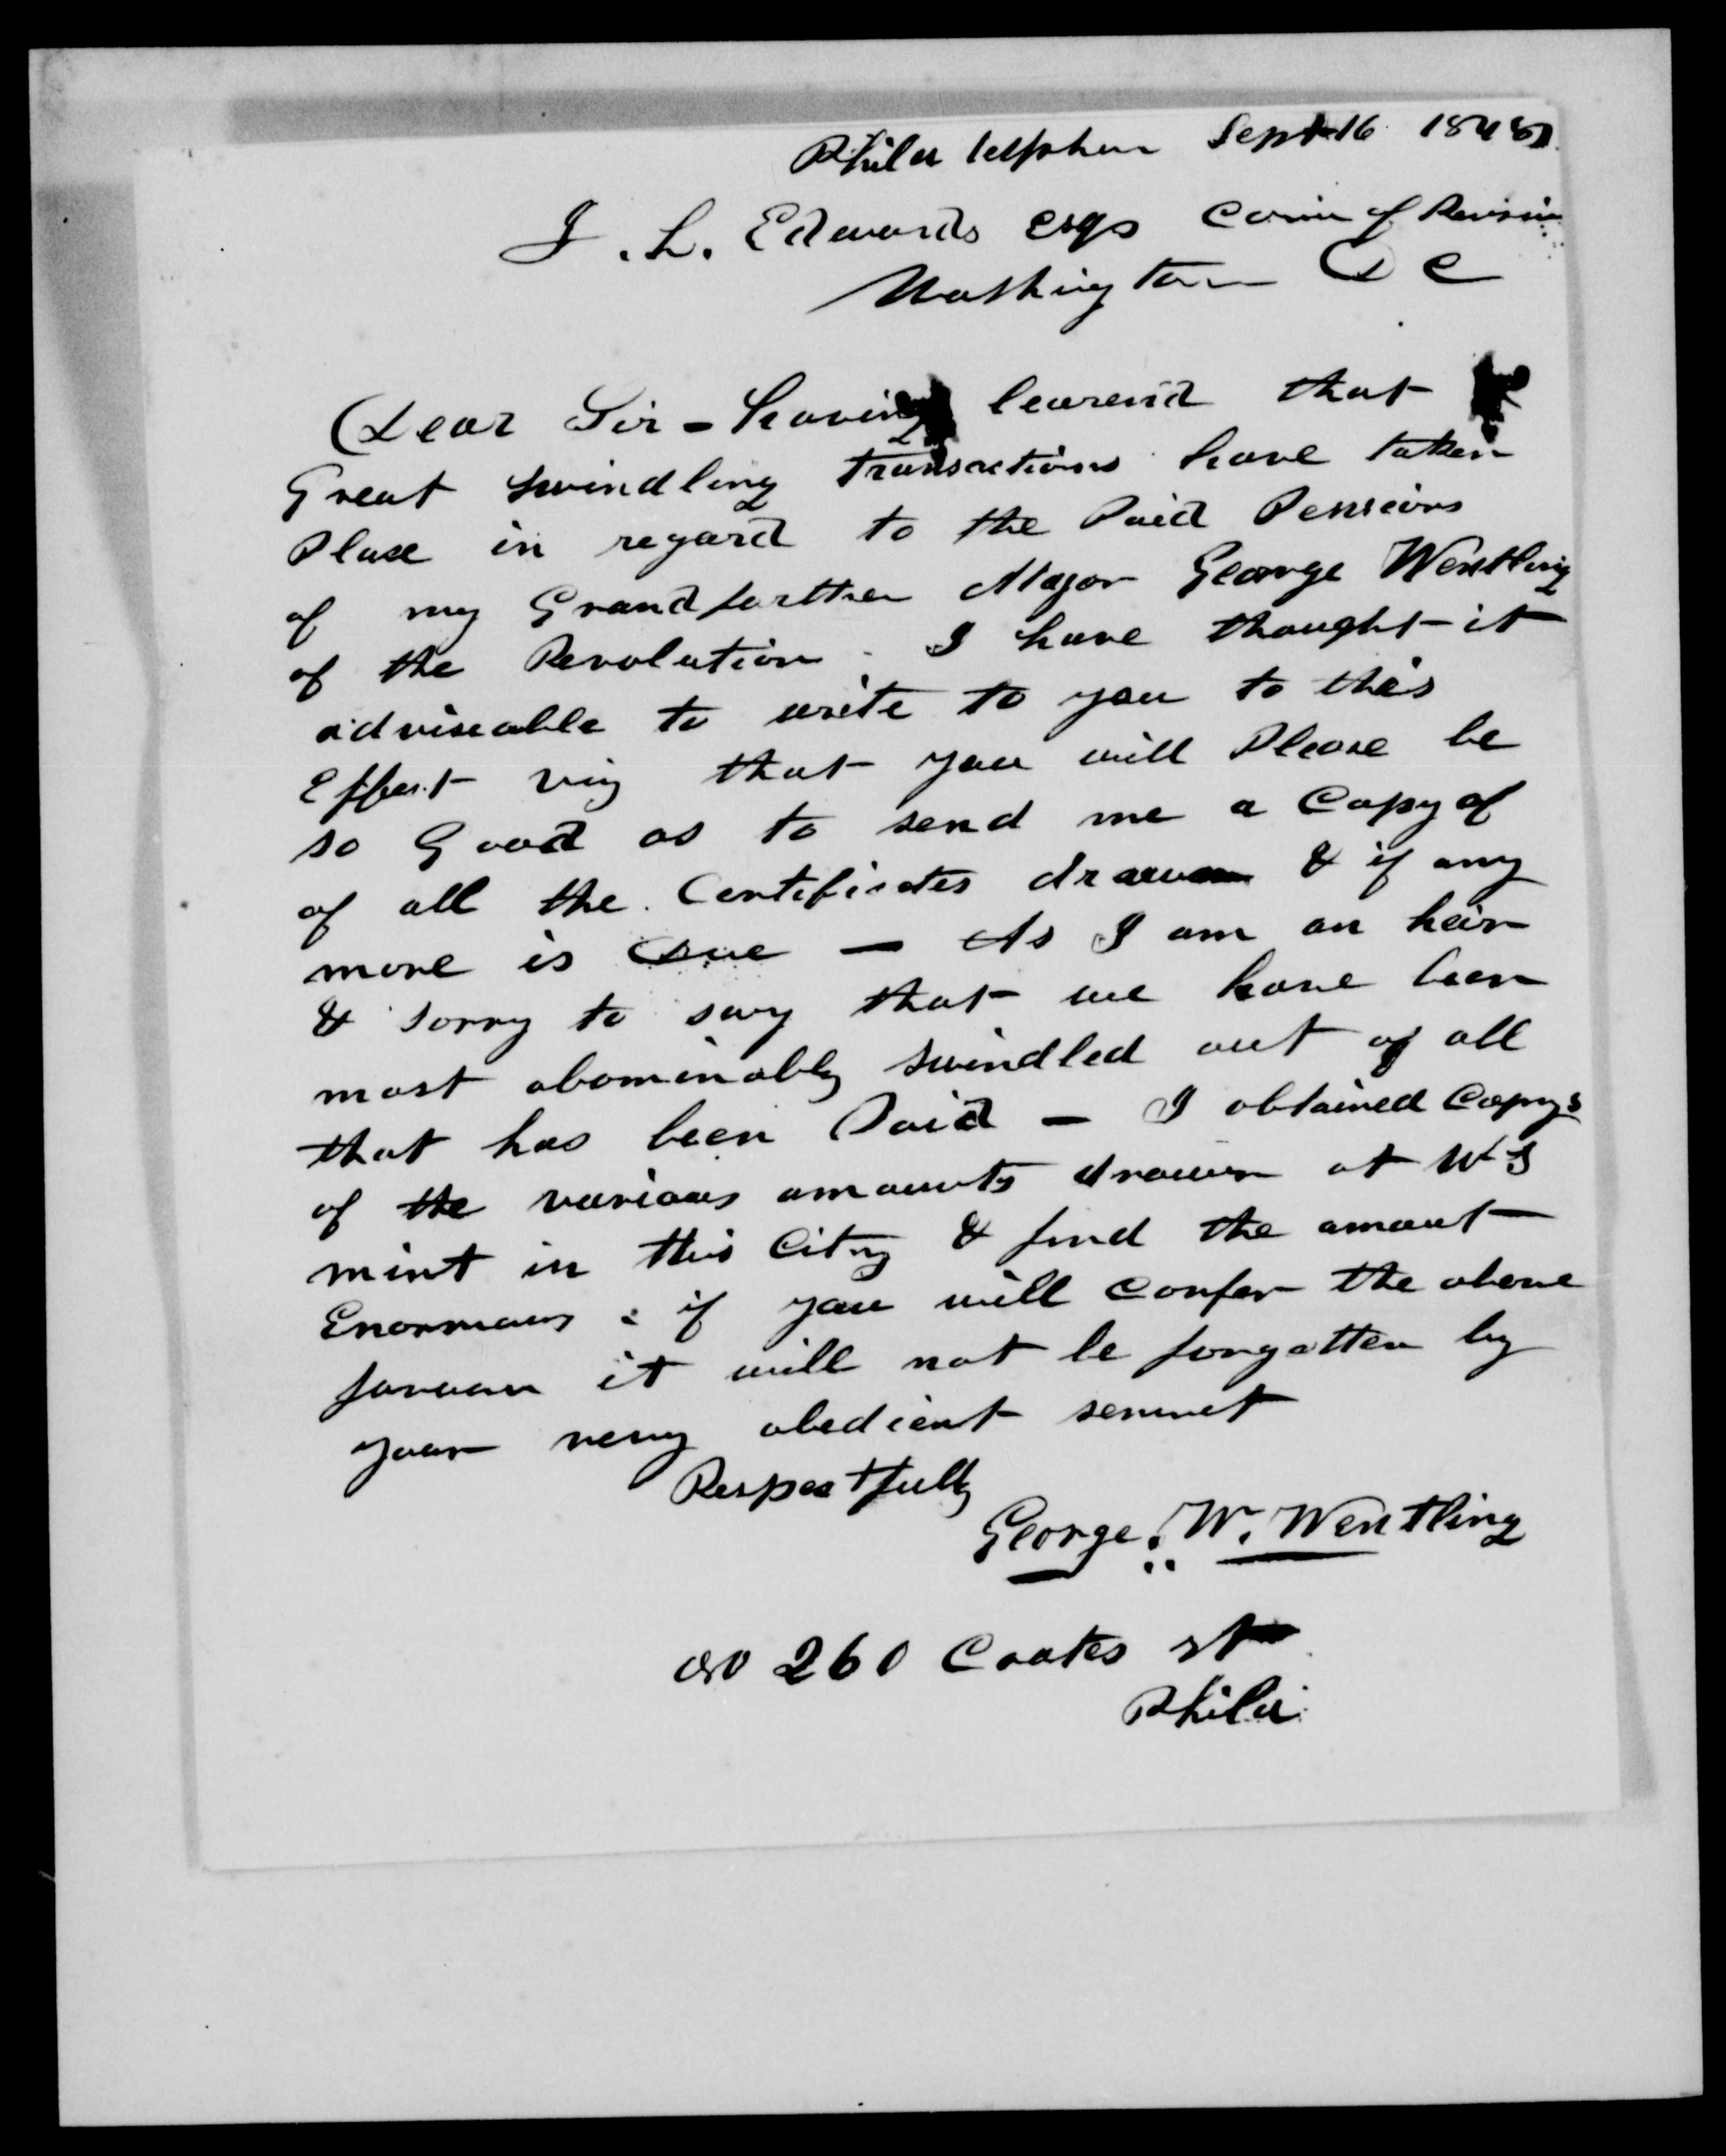Philadelphia  Sept 16 1848
J. L. Edwards Esqr    Com of Pensions
Washington D C

Dear Sir* Having learned that great swindling transactions have taken place in regard to the paid pensions of my grandfather Major George Wentling of the Revolution.  I have thought it advisable to write to you to this effort- viz that you will please be so good as to send me a Copy of of all the Certificates drawn & if any more is due-  As I am an heir & sorry to say that we have been most abominably swindled out of all that has been paid.  I obtained copys of the various amounts drawn at U S mint in this city & find the amount enormous; if you will confer the above favor it will not be forgotten by your very obedient servant.

Respectfully
George W. Wentling
260 Coates St
Phila.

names: J L Edwards, George Wentling, George W Wentling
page: 23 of 68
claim: survivor's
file: S. 6,358, George Wentling, Penn.